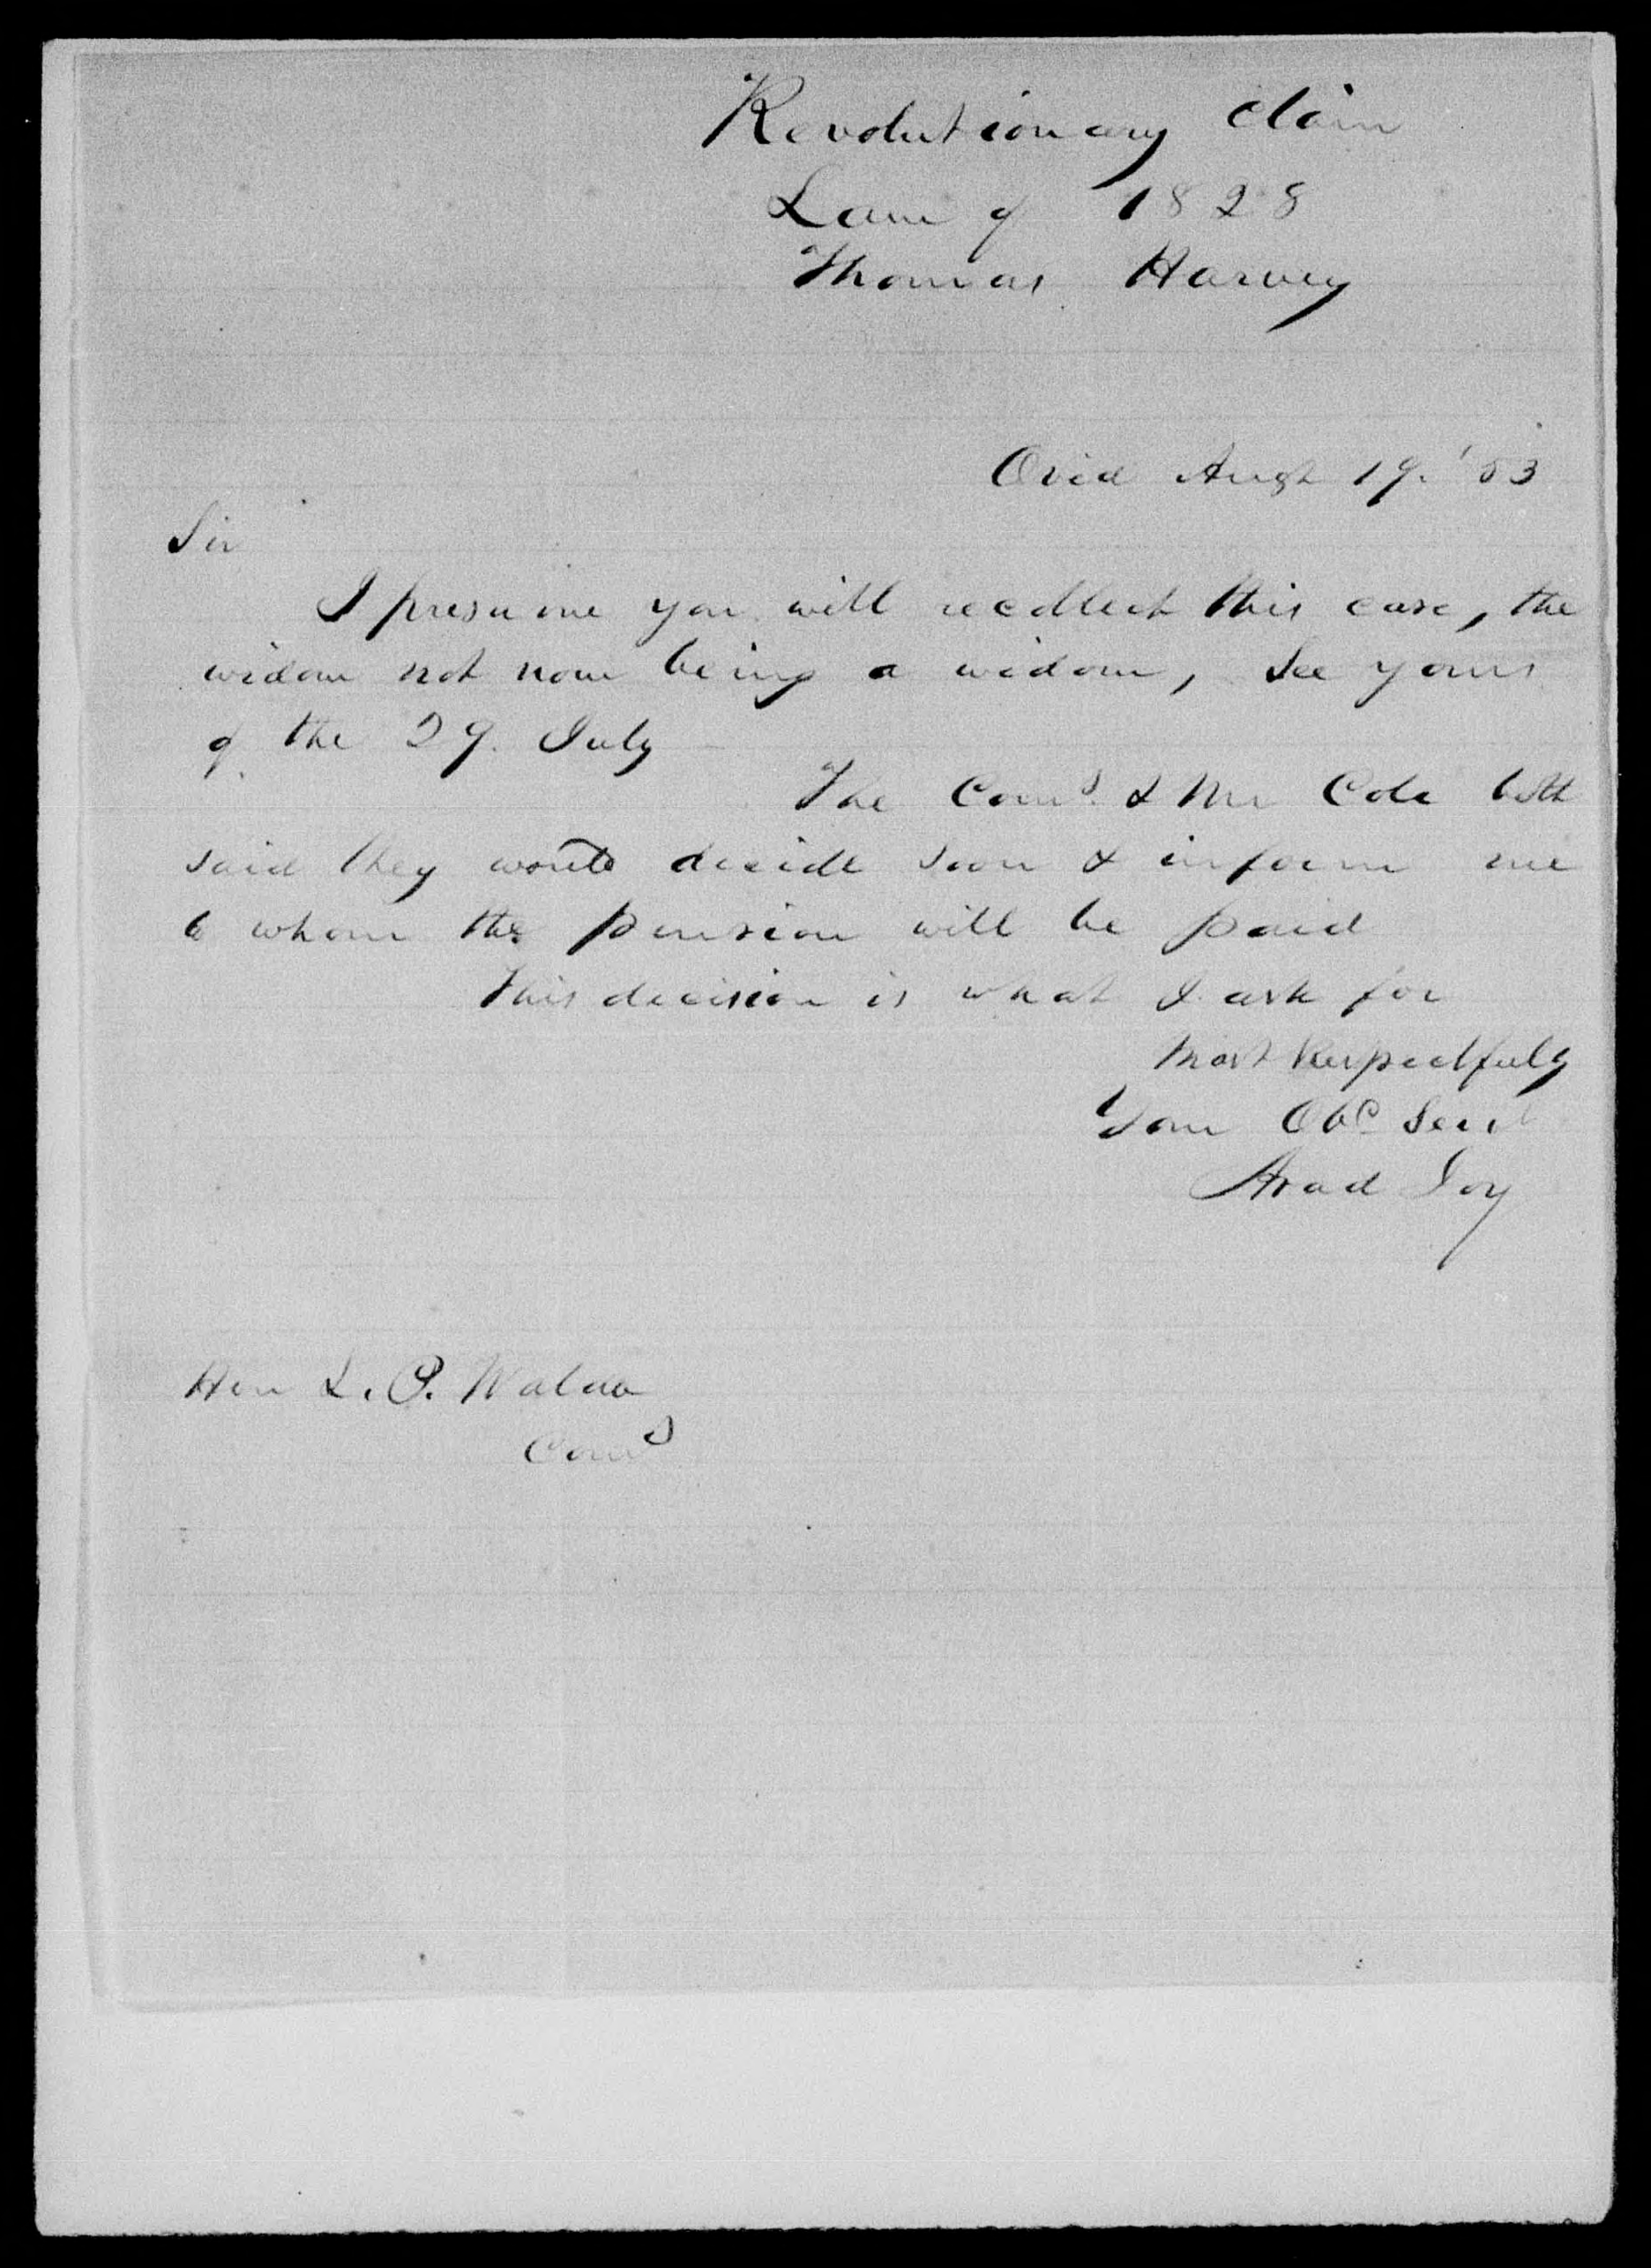[handwritten letter]
Revolutionary claim
Law of 1828
Thomas Harvey

Ovid Augt. 19, '53

Sir
I presume you will recollect this case, the widow not now being a widow, See yours of the 29. July 
The Com'r & Mr. Cole both said they would decide soon & inform me to whom the pension will be paid 
This decision is what I ask for
Most Respectfully Your Ob't Serv't
/s/Arad Joy 
Hon. L. P. Waldo
Com'r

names: Thomas Harvey, Cole, L P Waldo, Arad Joy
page: 30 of 80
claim: survivor's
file: S. 18008, Thomas Harvey, N.H.